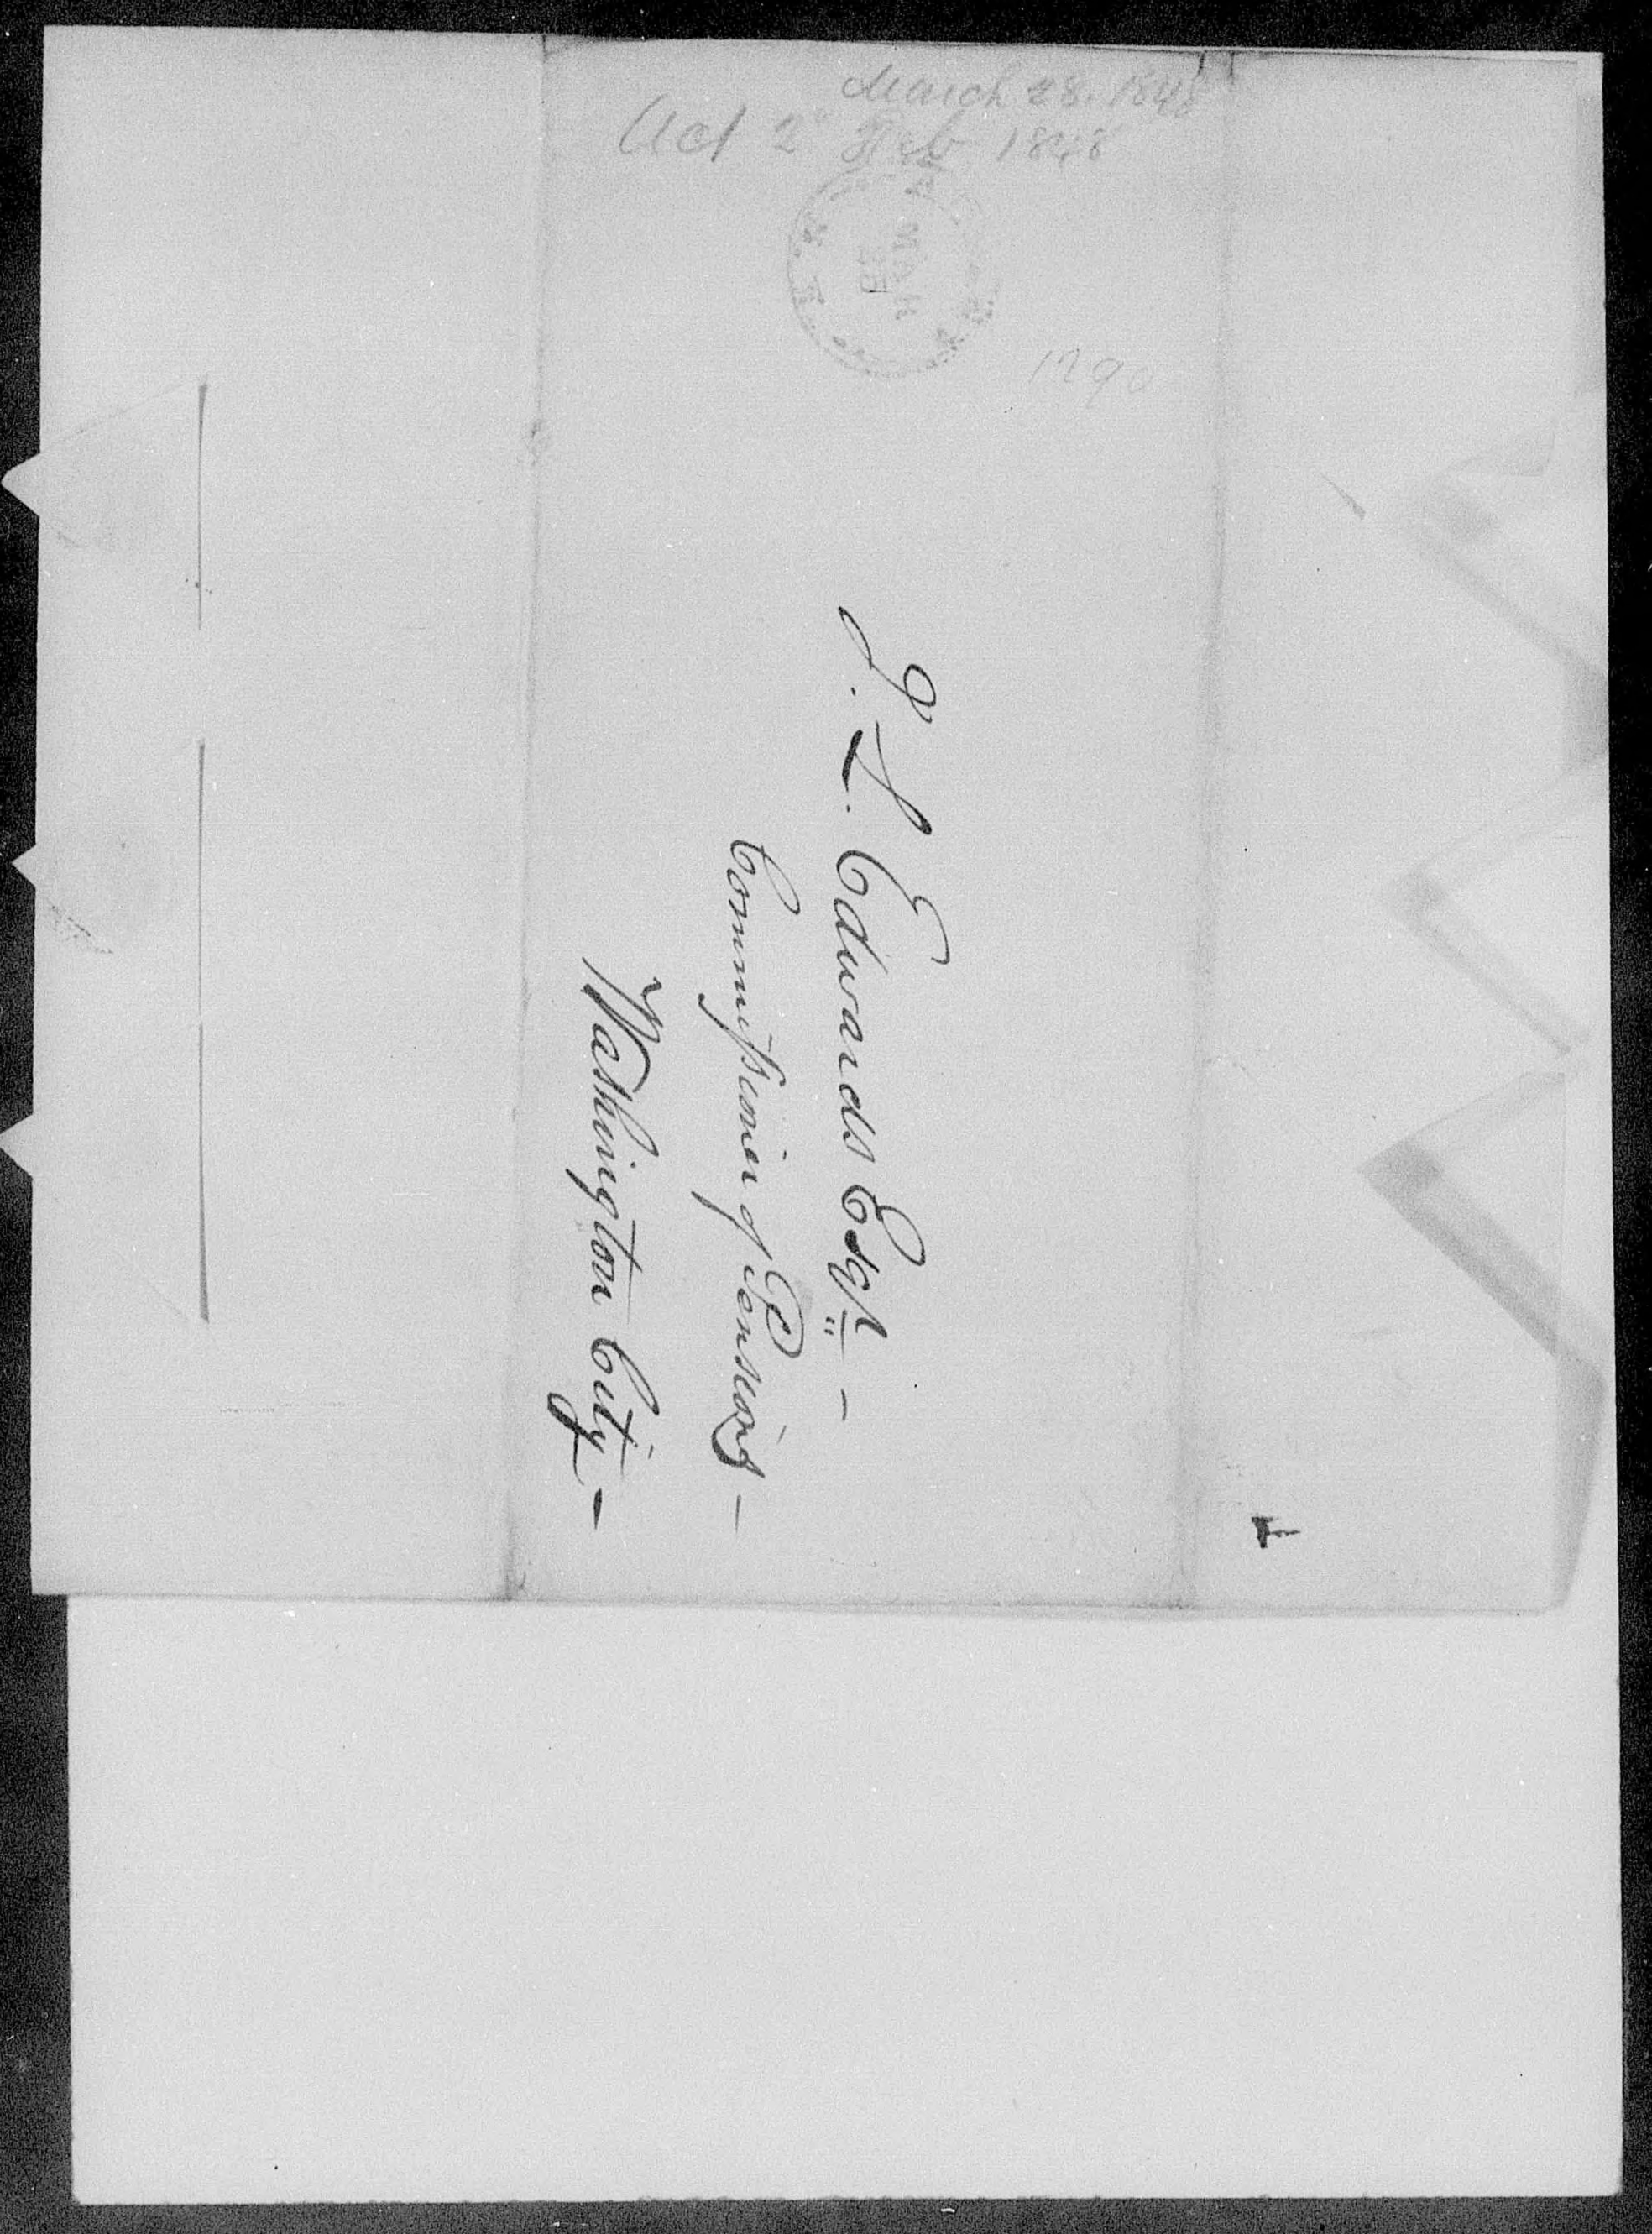J. L. Edwards Esqr. - 
Commissioner of Pensions -
Washington City -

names: J L Edwards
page: 51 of 52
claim: widow's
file: W 19755, Jonathan Hoard, Mass.